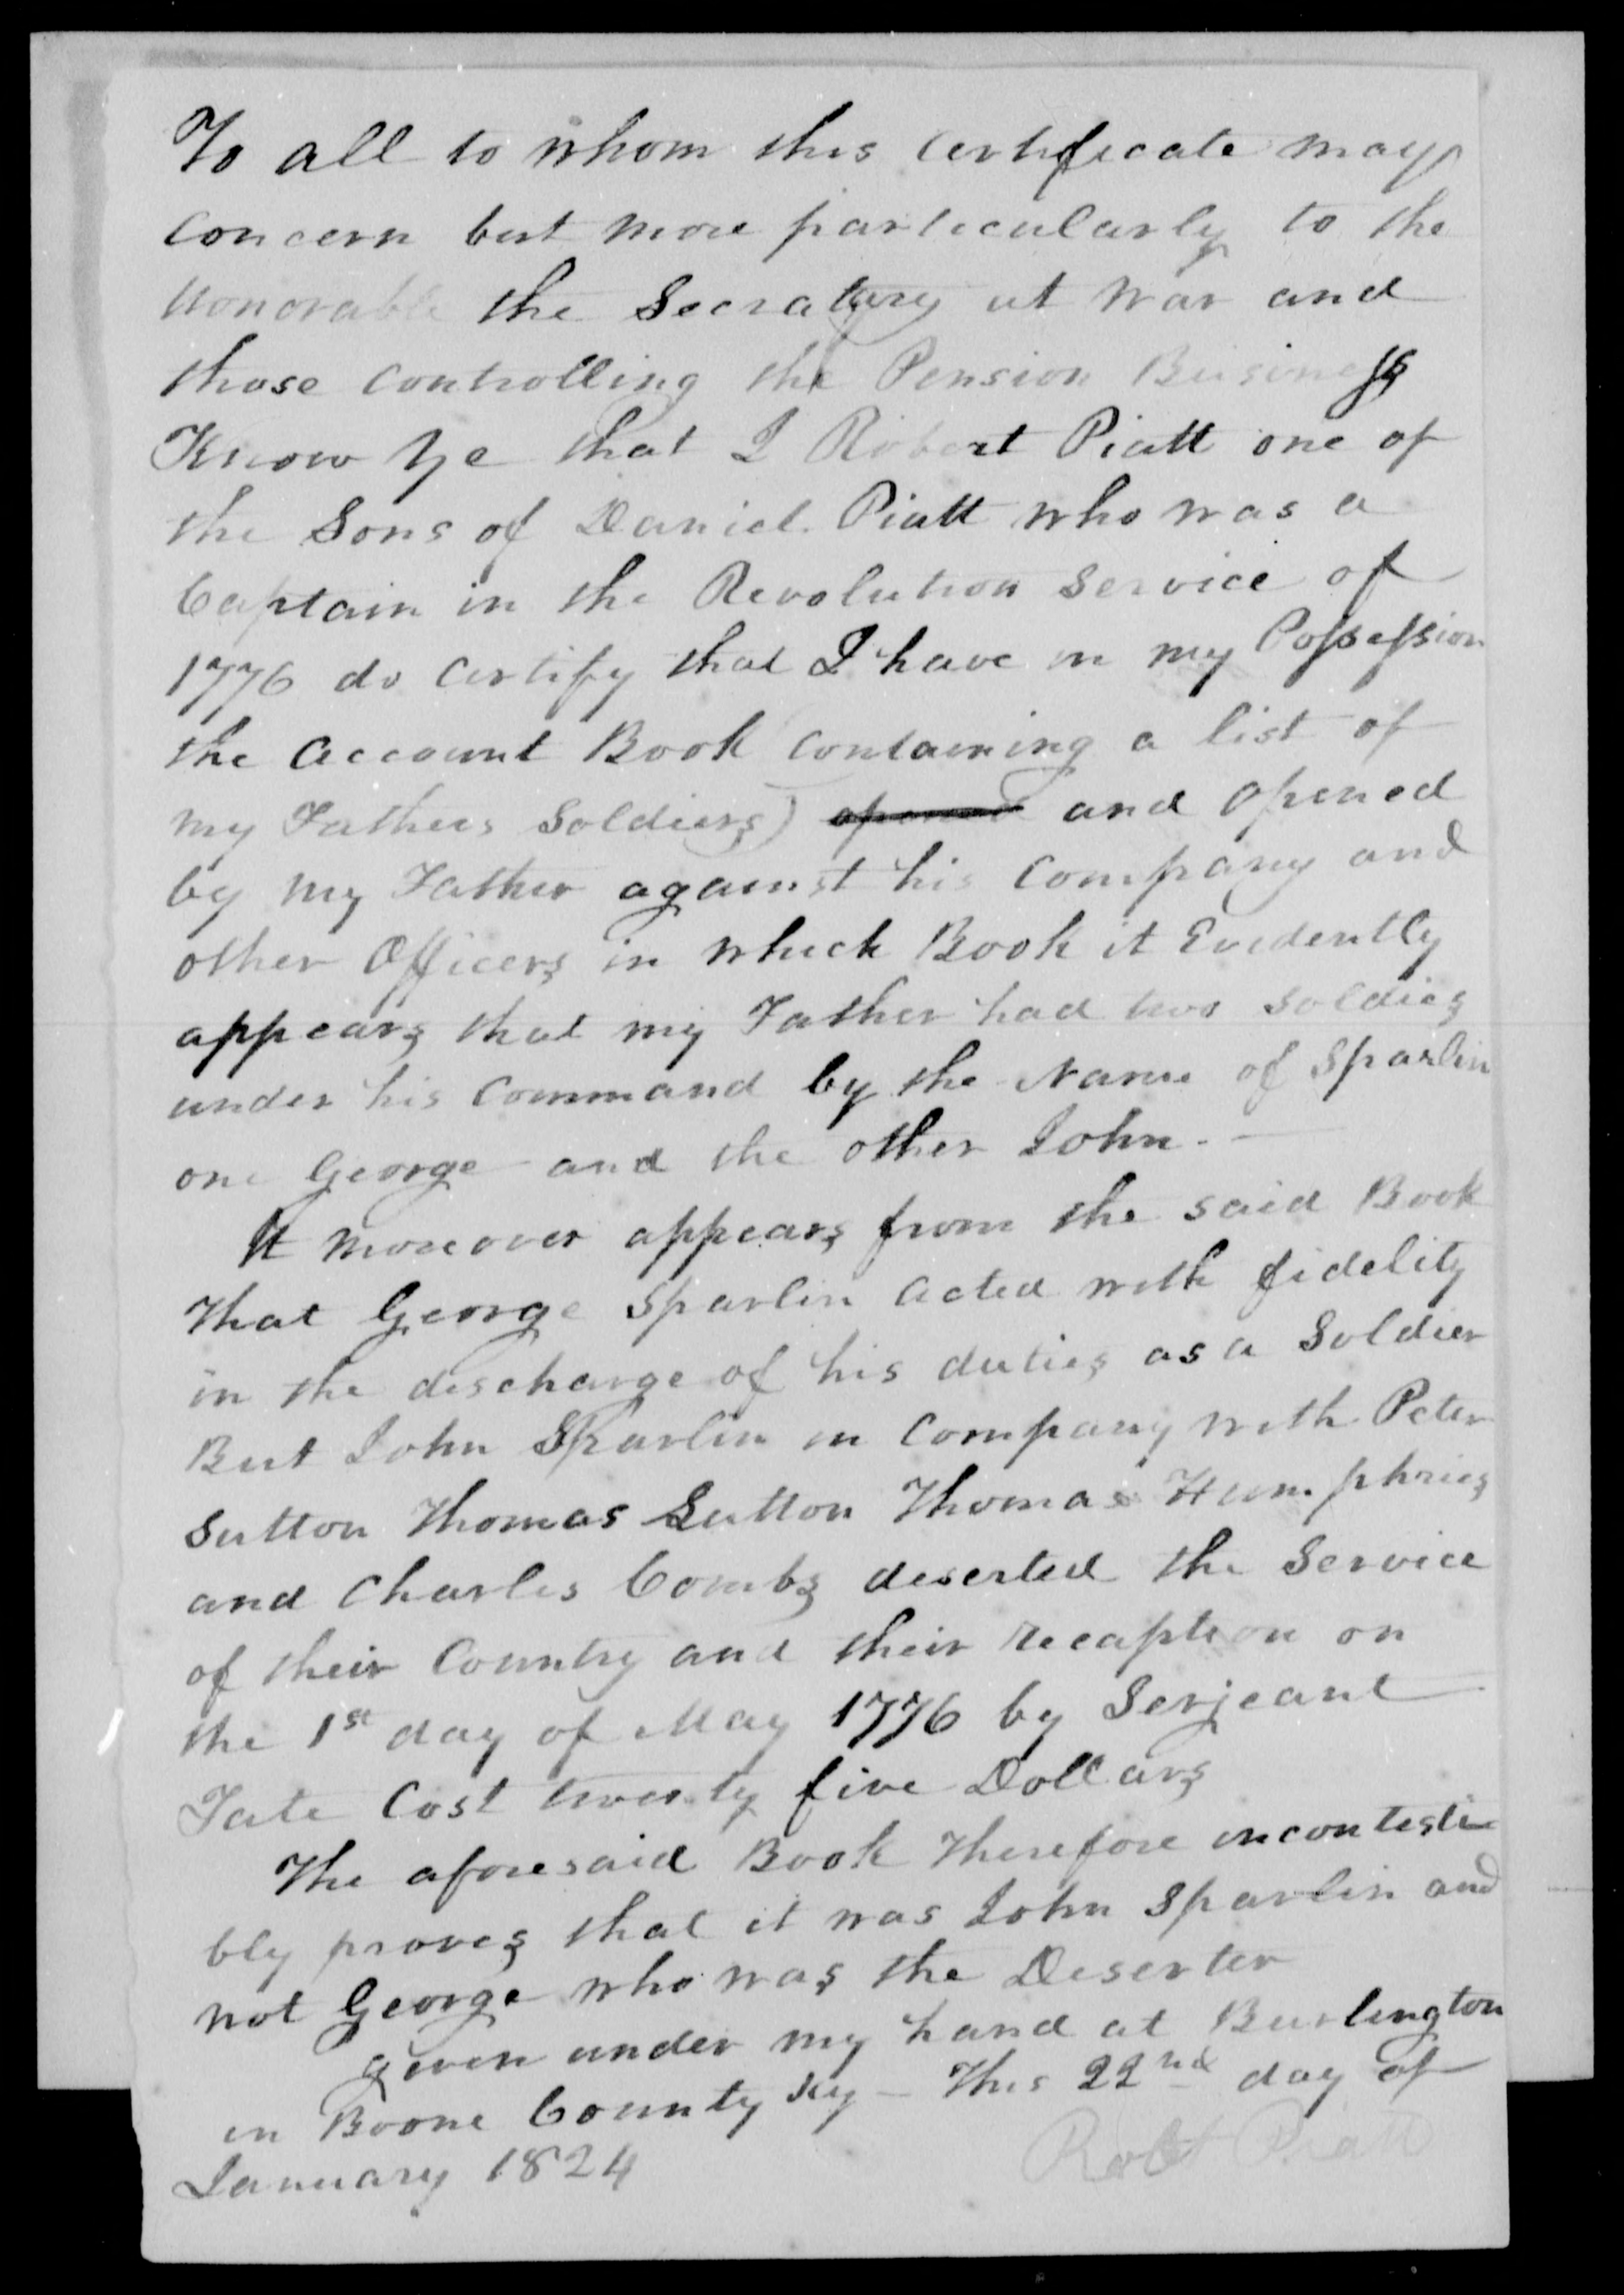To all who, this certificate may concern but more particularly to the Honorable the Secratary (sic) at War and those controlling the Pension Business
Know ye that I Robert Piatt one of the Sons of Daniel Piatt who was a Captain in the Revolution service of 1776 do certify that I have in my Possession the account Book containing a list of my Fathers Soldiers and opened by my Father against his Company and other officers in which Book it Evidently appears that my Father had two soldiers under his command by the Name of Sparlin one George and the other John-
It moreover appears from the said Book that George Sparlin acted with fidelity in the discharge of his duties as a Soldier but John Sparlin in Company with Peter Sutton Thomas Sutton Thomas Humphries and Charles Combs deserted the Service of their Country and their recaption (?) on the 1st day of May 1776 by Serjeant (sic) Tate cost twenty five Dollars
The aforesaid Book therefore incontestably proves that it was John Sparlin and not George who was the Deserter
given under my hand at Burlington in Boone County Ky- This 22nd day of January 1824

Robt Piatt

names: Robt Piatt; John [BLANK]; [BLANK] Sparlin; Charles Combs; George [BLANK]; Robert Piatt; Thomas Humphries; George Sparlin; Thomas Sutton; George [BLANK]; John Sparlin; John Sparlin; Peter Sutton; Daniel Piatt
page: 16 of 20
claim: survivor's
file: S. 36,783, for George Sparling, New Jersey